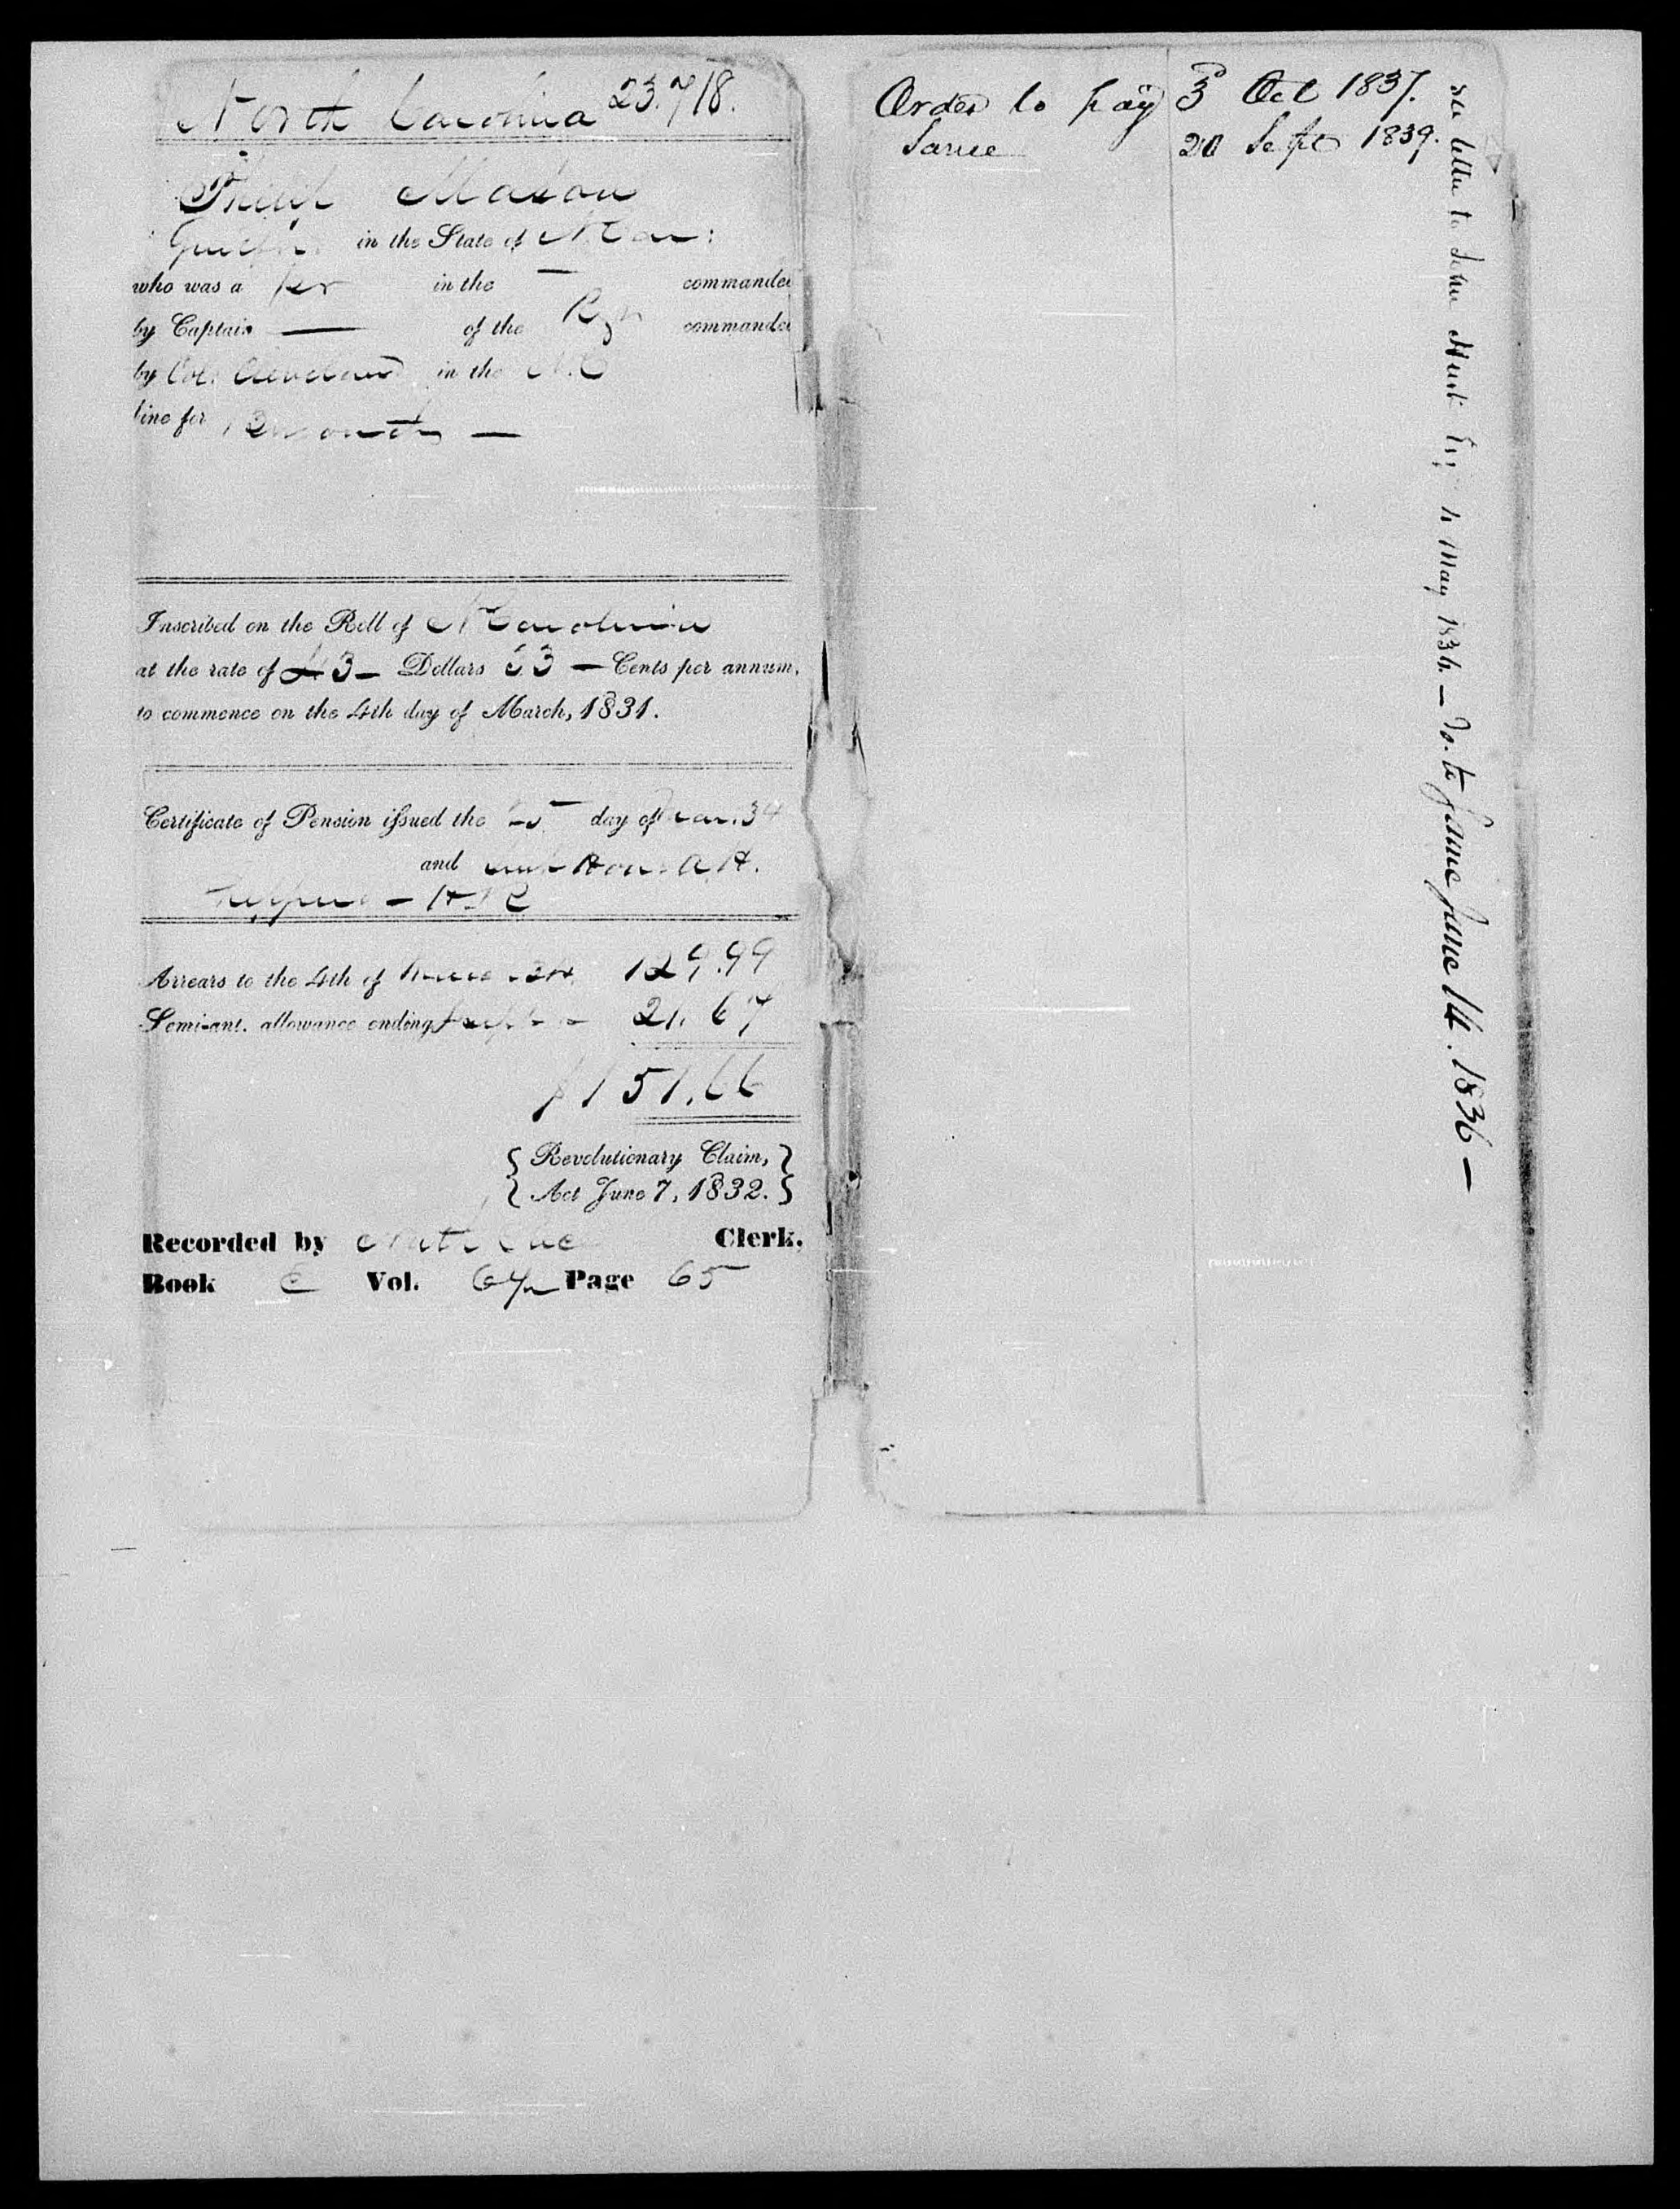North Carolina 23718
Philip Mason
Given in the state of N. Car: who was a pr in the - commanded by Captain - of the illegible commanded by Col. Cleveland in the N.C. line for illegible -
Inscribed on the Roll of N. Carolina at the rate of 23 Dollars- 33- Cents per annum, to commence on the 4th day of March, 1831.
Certificate of Pension issued the 25 day of illegible and illegible
Arrears to the 4th of illegible 129.99
Semi-ant. allowance ending illegible 21.64
$151.66
{Revolutionary Claim, Act June 7, 1832}
Recorded by illegible Clerk, Book & Vol 64 Page 65
Order to pay 3 Oct 1837 
Illegible 20 Sept 1839
See letter to John Hunt illegible 4 May 1836 - illegible to illegible June 14. 1836 -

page: 2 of 18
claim: survivor's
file: S. 8,994, for Philip Mason, North Carolina